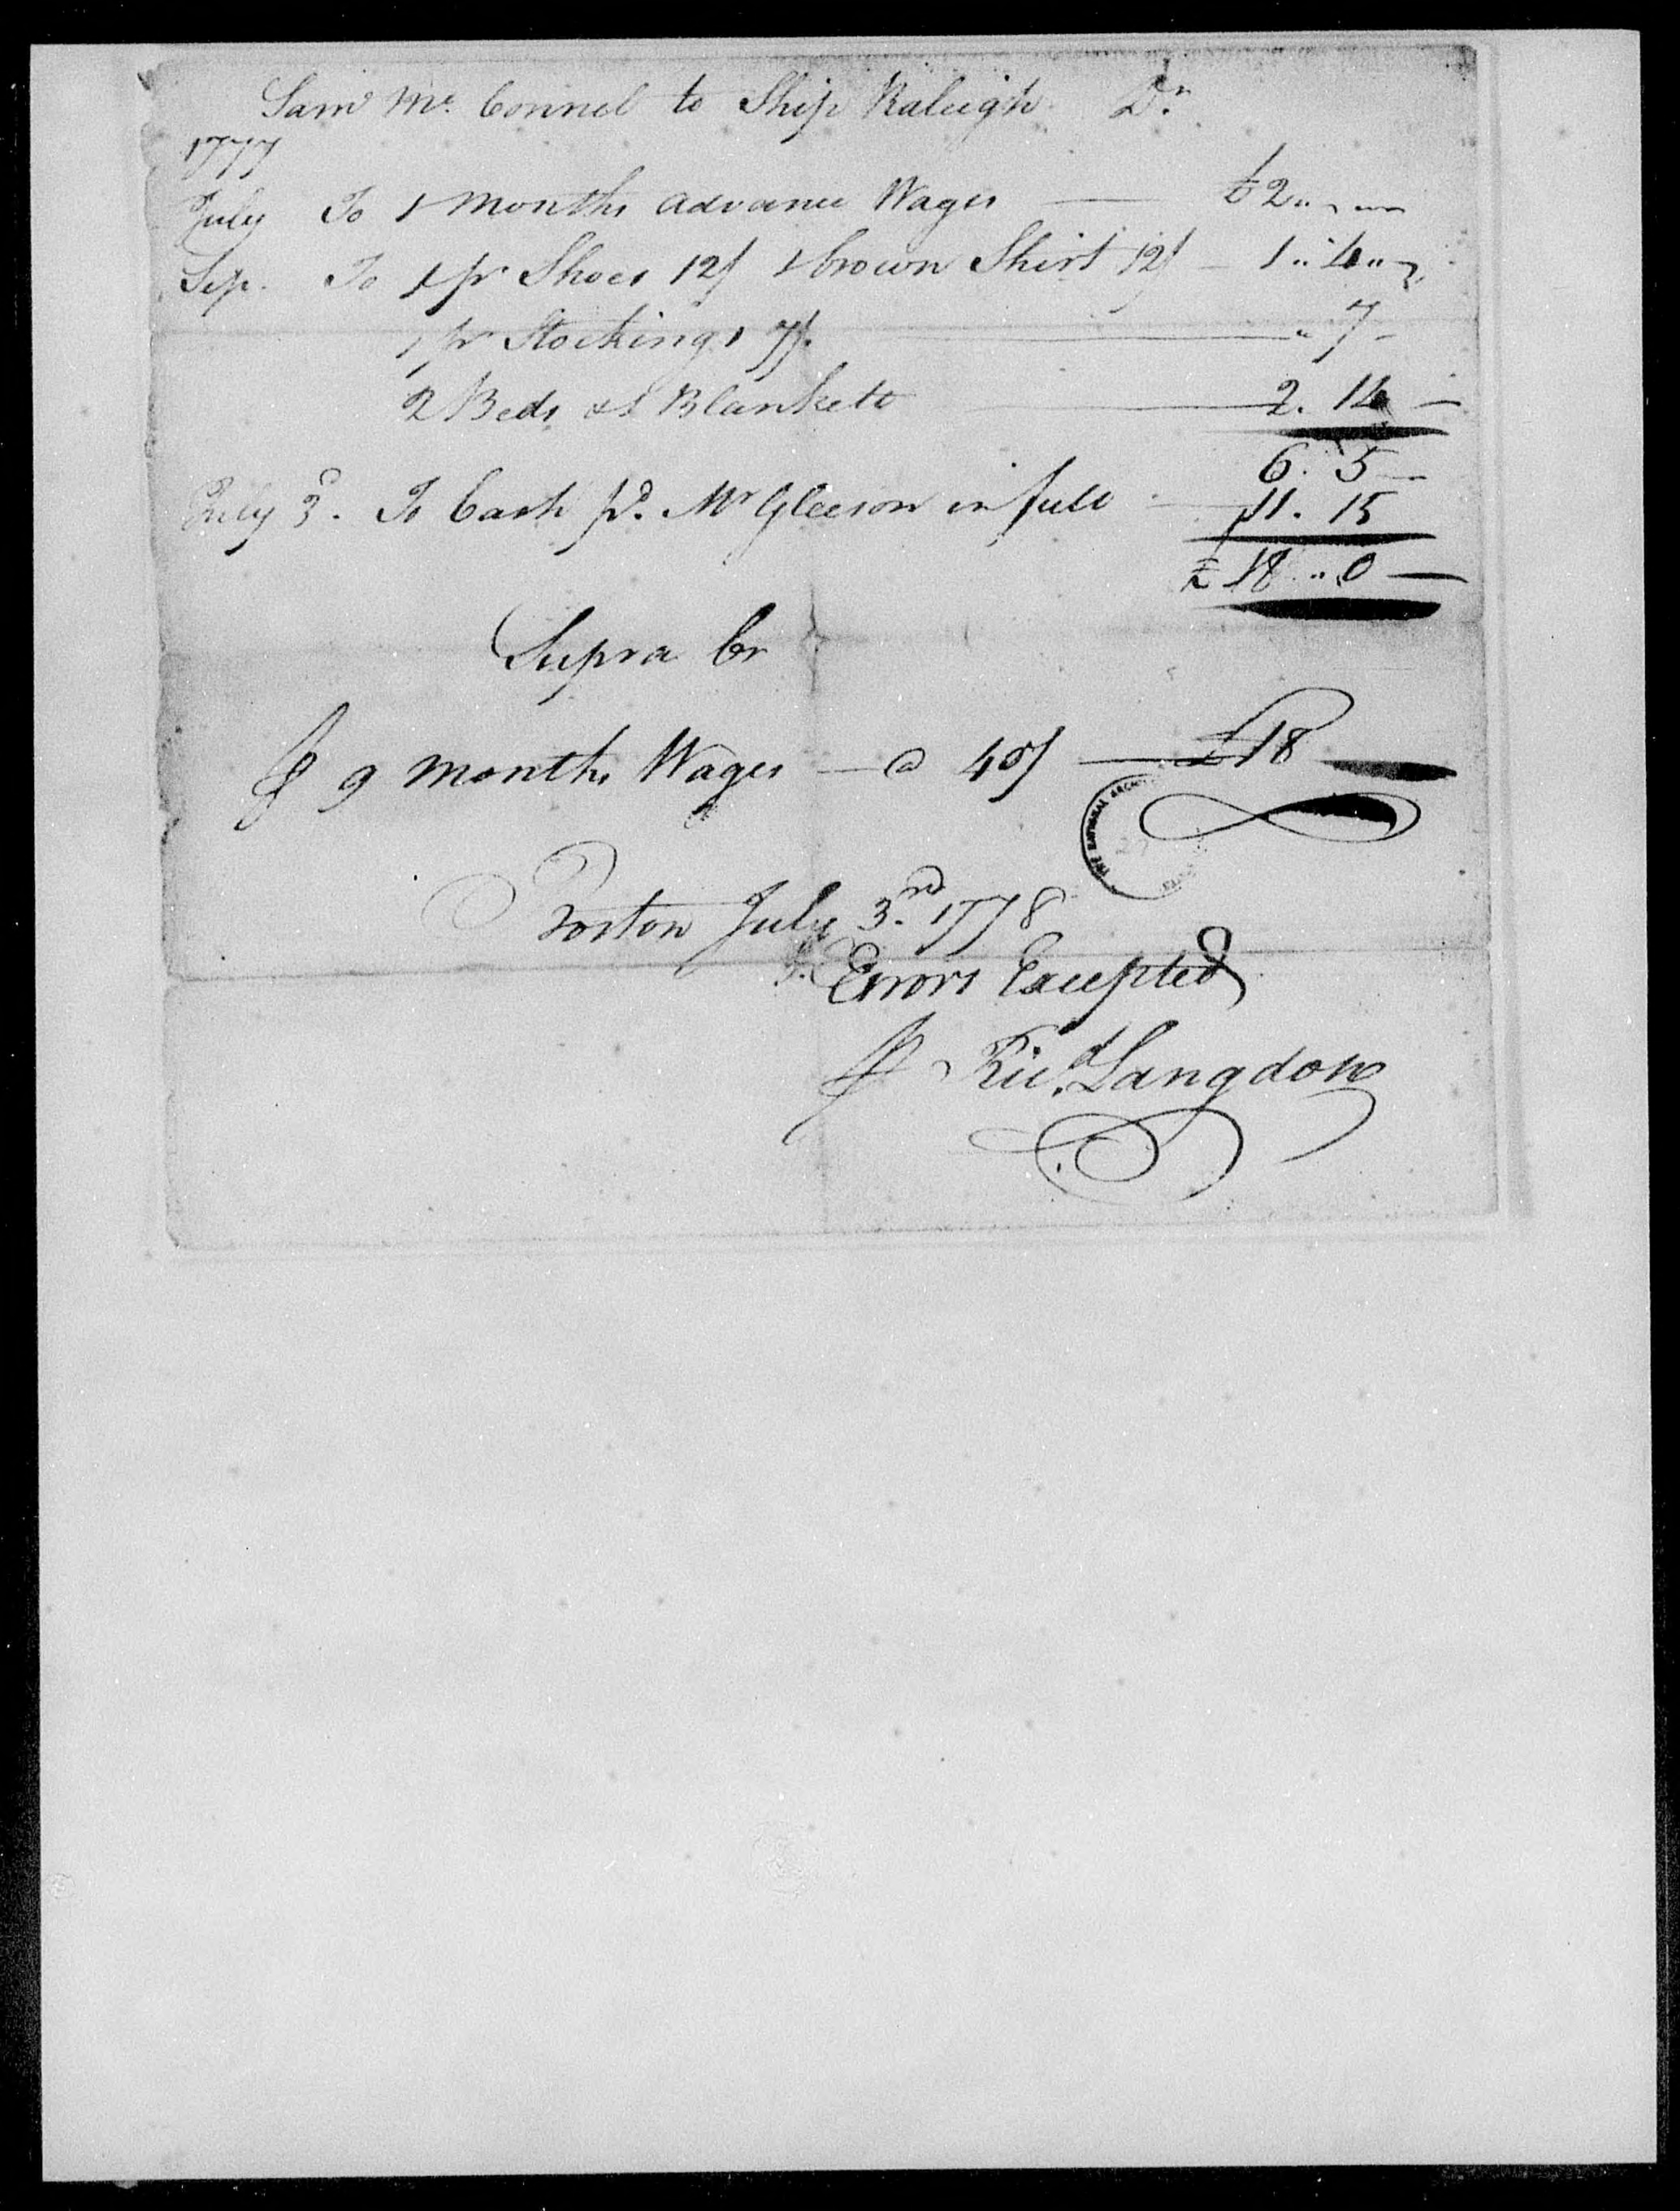Sam'l McConnel to Ship Raleigh D'r.
1777 July To 1 months advance Wages £2.. 
Sep To 1 pr Shoes 12/ & brown Shirt 12/ - 1..4..
1 pr Stockings off. - ..7
2 Beds & Blankett - 2.14
6.5
July 3d To Cash pd. Mr Gleeson in full 11.15
£18..0
Supra br
Fr 9 months Wages - @40/ - £18
Boston July 3rd 1778
Errors Excepted
/s/Ric'd Langdon 
[receipt stamp: THE NATIONAL ARCHIVES OF THE UNITED STATES]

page: 10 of 18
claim: survivor's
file: S. 41,827, for Samuel Mc Connel, Vermont